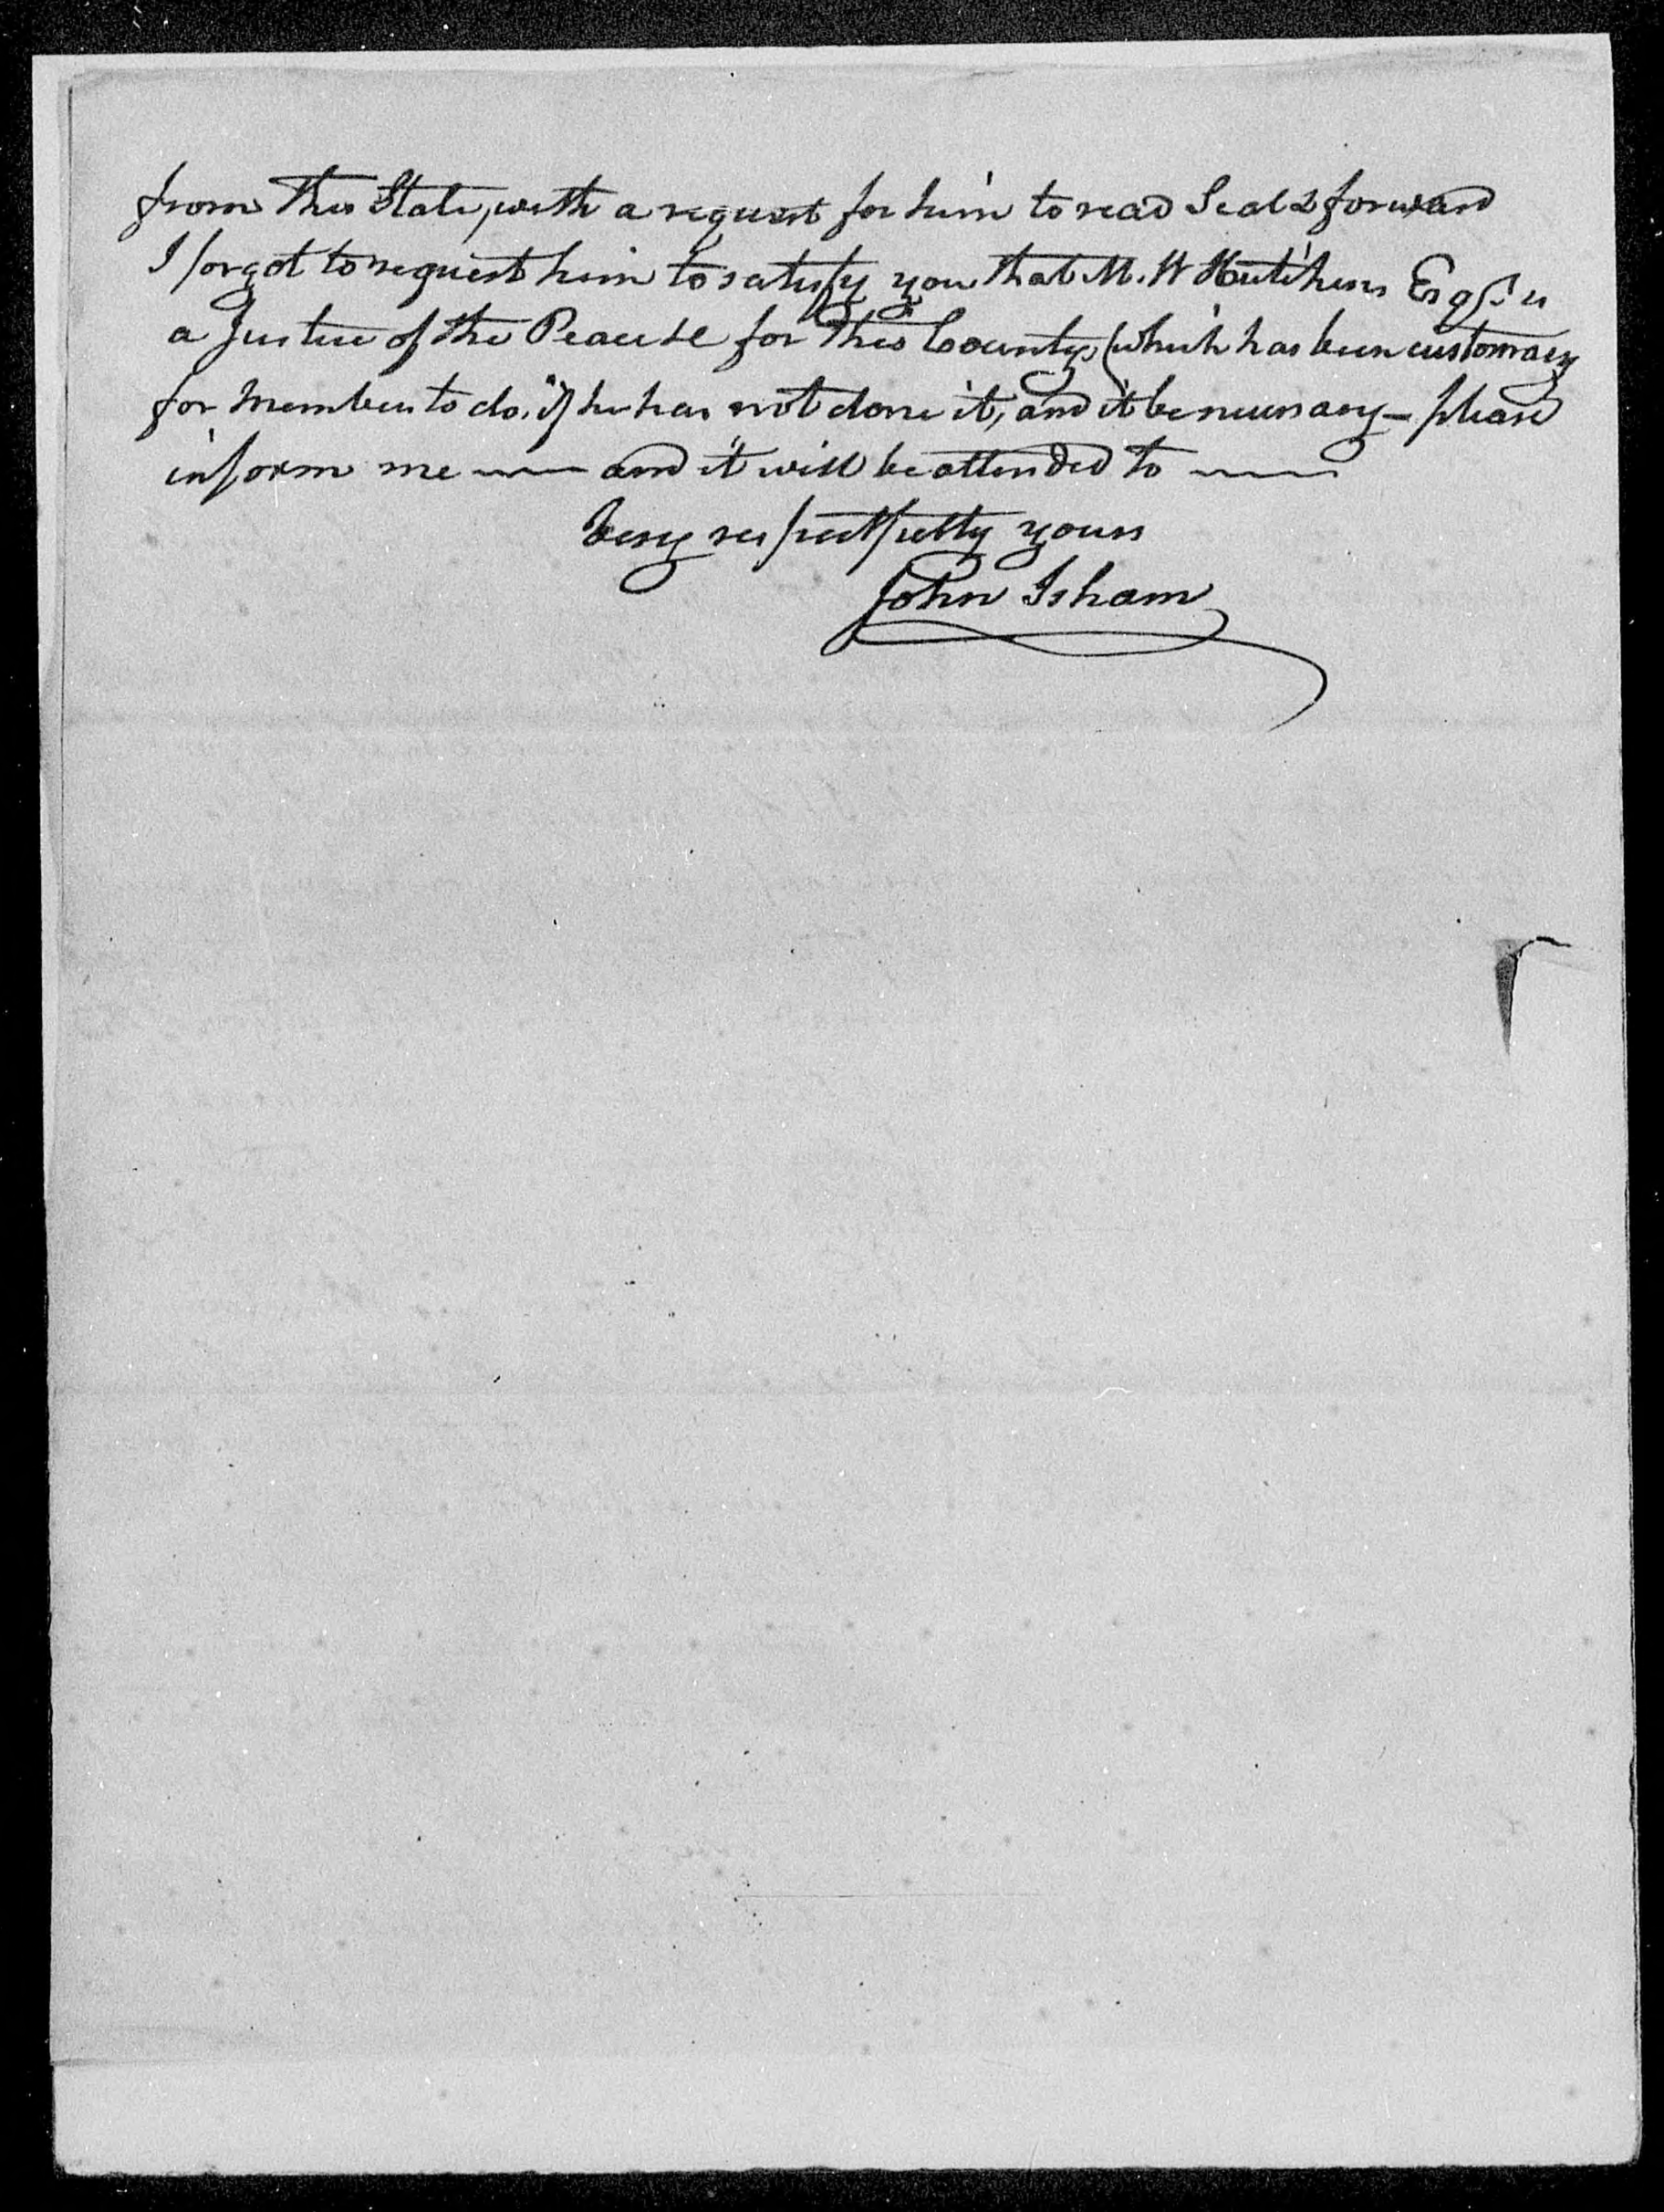from the State, with a request for him to read seal & forward I forgot to request him to satisfy you that M W Hutchins Esq is a Justice of the Peace for this County, which has been customary for members to do, if he has not done it, and it be necessary-please inform me and it will be attended to. 

Very respectfully yours

John Isham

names: M W Hutchins, John Isham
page: 39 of 53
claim: rejected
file: R. 3732, Jesse Fox, Conn.